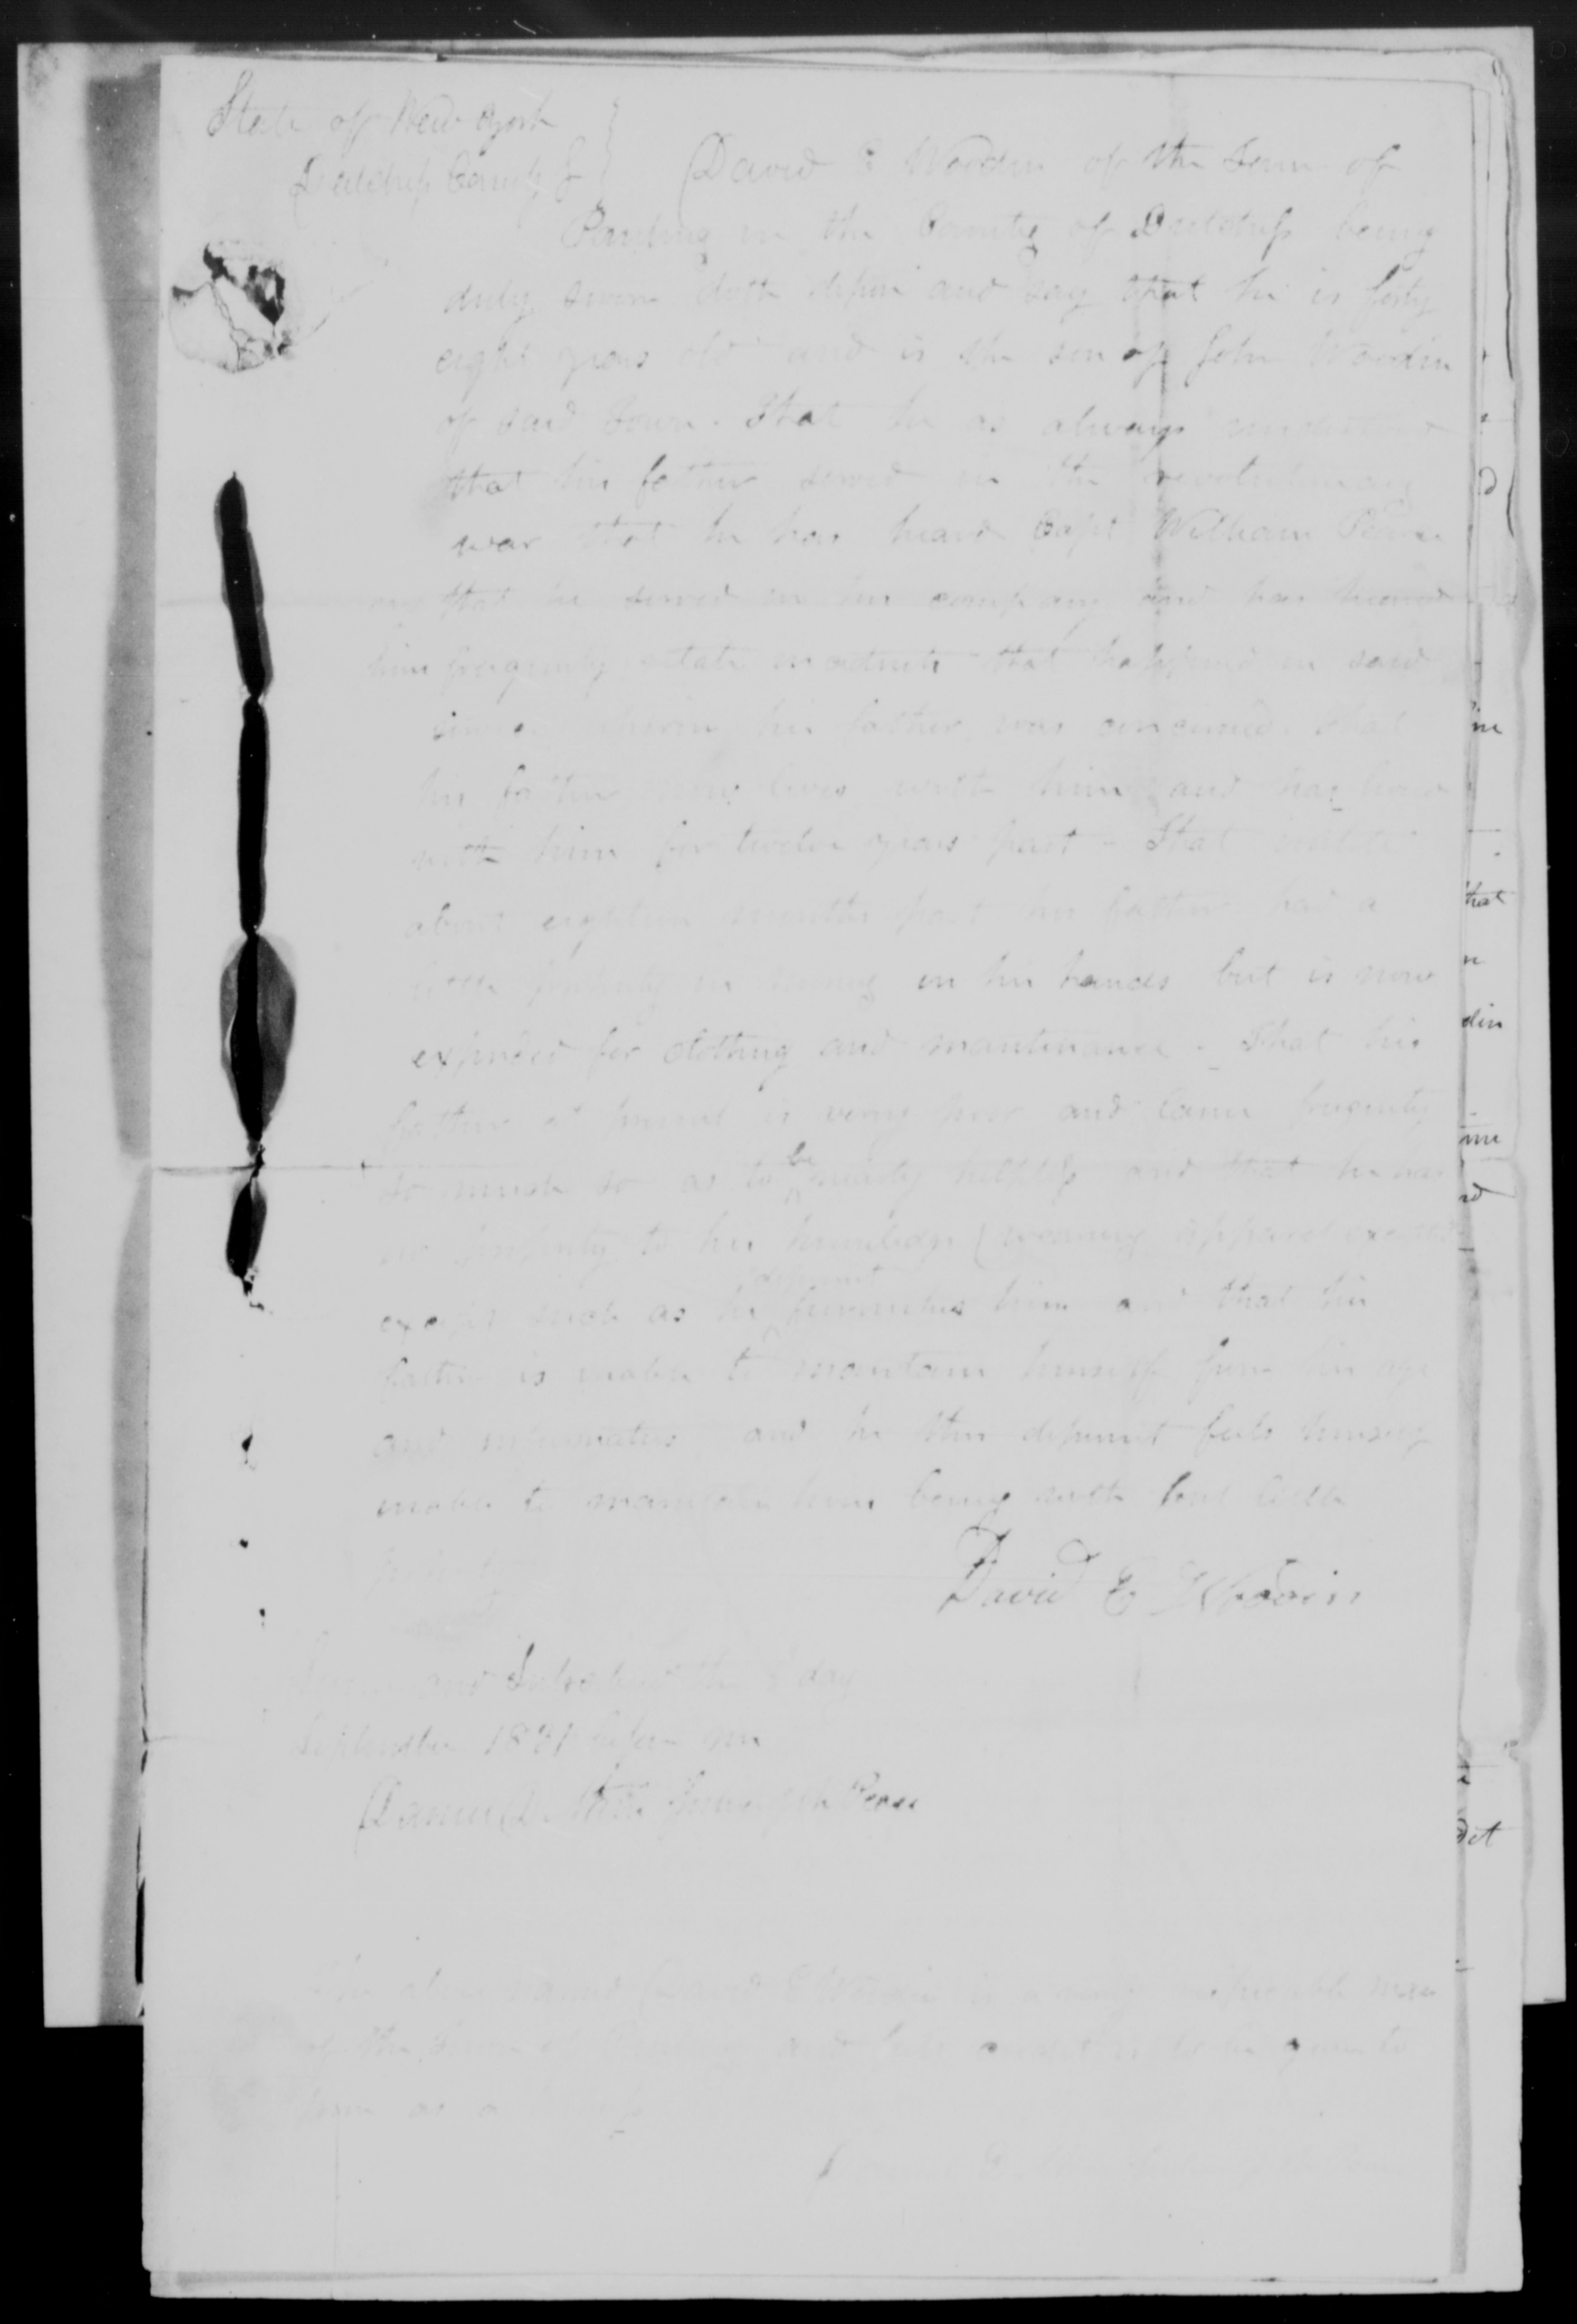State of New York 
Dutchess County David E. Woodin of the Town Pawling in the County of Dutchess being duly sworn with depose and say that he is forty eight years old and is the son of John Woodin of said Town. That he has always recollected [?] that his father served in the revolutionary war that he has heard Capt William Pearse that he served in his company and has heard him frequently state on [illegible] that happened in said [illegible] his father was concerned that his father now lives with him and has lived with him for twelve years past - That [illegible] about eighteen months past his father has a little [illegible] in [illegible] in his hands but is now expended for clothing and maintenance. That his father at present is very poor and lame frequently so much so as to be nearly helpless and that he was no opportunity to his knowledge [illegible] appeared except such as he deponent furnishes him and that his father is unable to maintain himself from his age and infirmities and he this deponent feels himself unable to maintain him being such [illegible]
[signed] David E. Woodin
 
Sworn and Subscribed the [?] day September 1831 before me
Samuel [illegible] Justice of the Peace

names: David G Mc Lain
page: 32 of 77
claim: widow's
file: W. 19658, John Woodin, New York